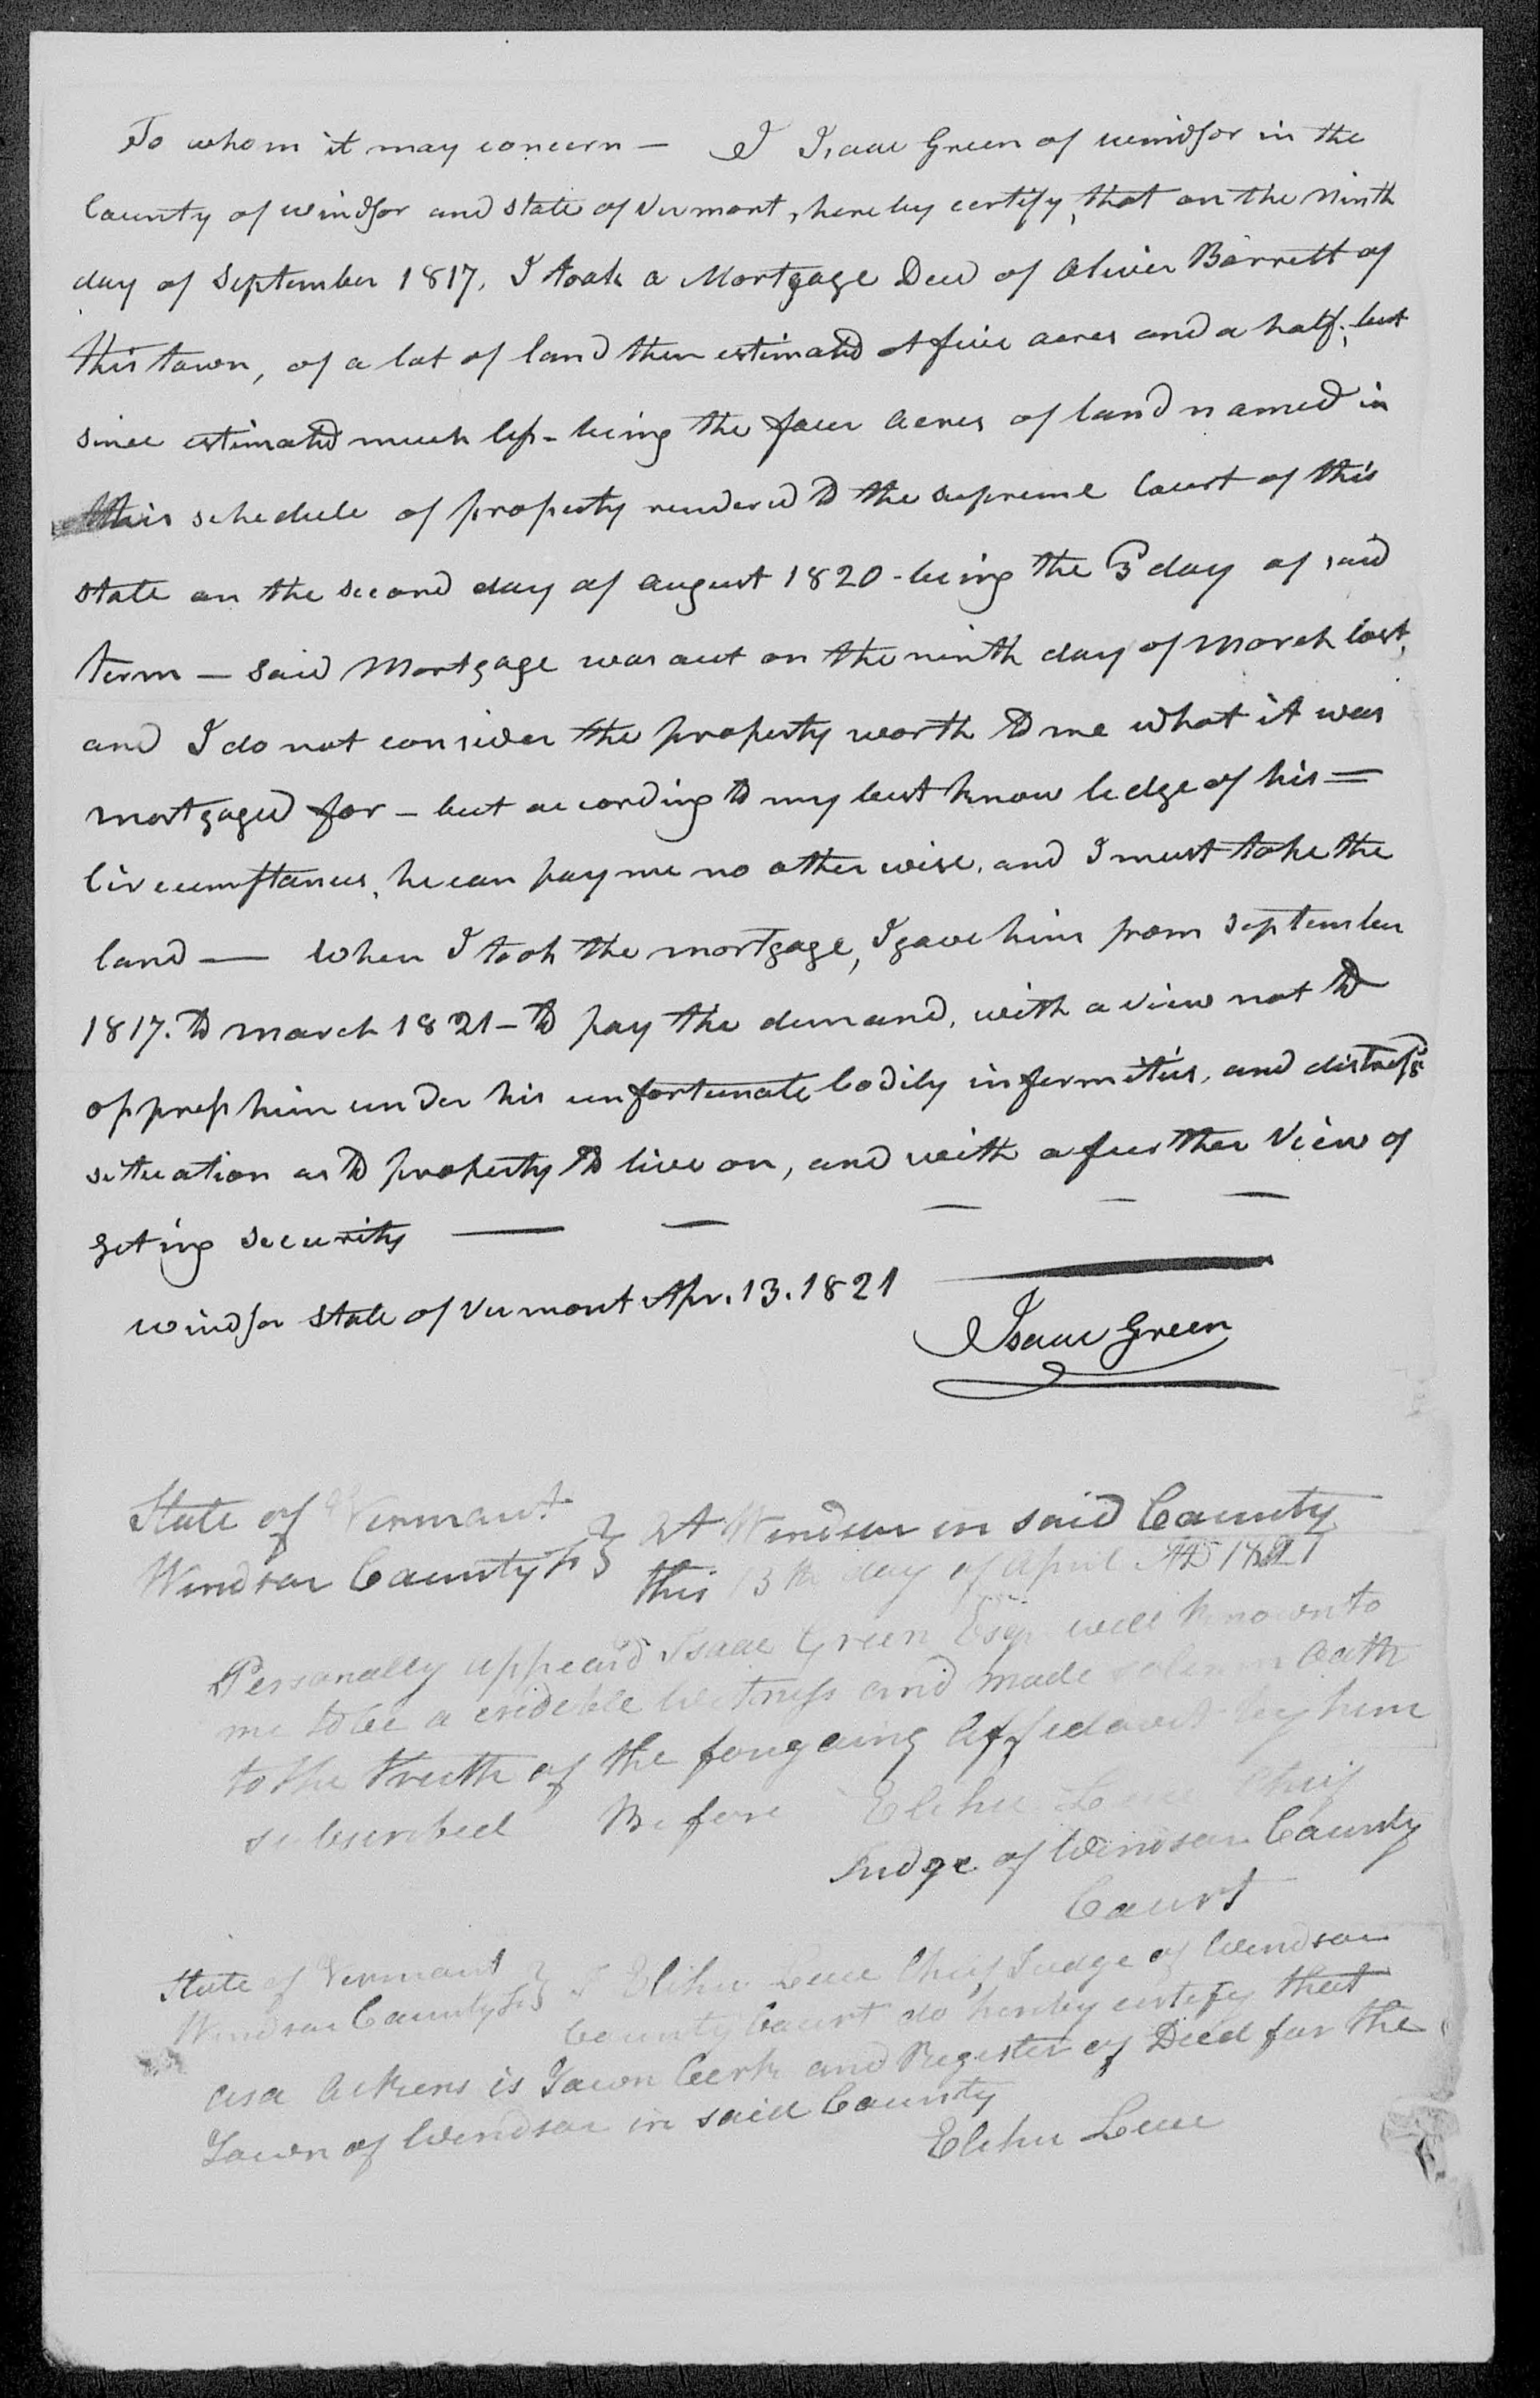To whom it may concern- I Isaac Green of Windsor in the County of Windsor and State of Vermont, hereby certify that on the ninth day of September 1817 I took a mortgage deed of Oliver Barrett of this town, of a lot of land then estimated at five acres and a half, lest I estimated much being the same acres of land named in this schedule of property rendered the deponent Court of this state on the second day of August 1820- being the 3d day of said term- said mortgage was out on the ninth day of March last and I do not consider the property worth to me what it is mortgaged for- but according to my best knowledge of his circumstances, he can pay me no other wise, and I must take the land. When I took the mortgage, I gave him from September 1817 to March 1821 to pay the demand with a view not to oppress him under his unfortunate bodily infirmities and distress situation and property to live on, and with a further view of getting security
Windsor State of Vermont
Isaac Green

State of Vermont
Windsor County ss} At Windsor in said County this 13th day of April AD 1821 Personally appeared Isaac Green Esq. well known to me to be a credible witness and made solemn oath to the truth of the foregoing affidavit by him subscribed before 
Elihu Luce Chief
Judge of Windsor County 
Court

State of Vermont
Windsor County ss} I Elihu Luce Chief Judge of Windsor County Court do hereby certify that Asa Aikens is Town Clerk and Register of deed for the Town of Windsor in said County
Elihu Luce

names: Elihu Luce, Elihu Luce, Elihu Luce, Oliver Barrett, Isaac Green, Isaac Green, Asa Aikens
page: 31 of 83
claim: widow's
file: W. 10,384, Oliver Barrett, Continental (Vt.) N.Y.